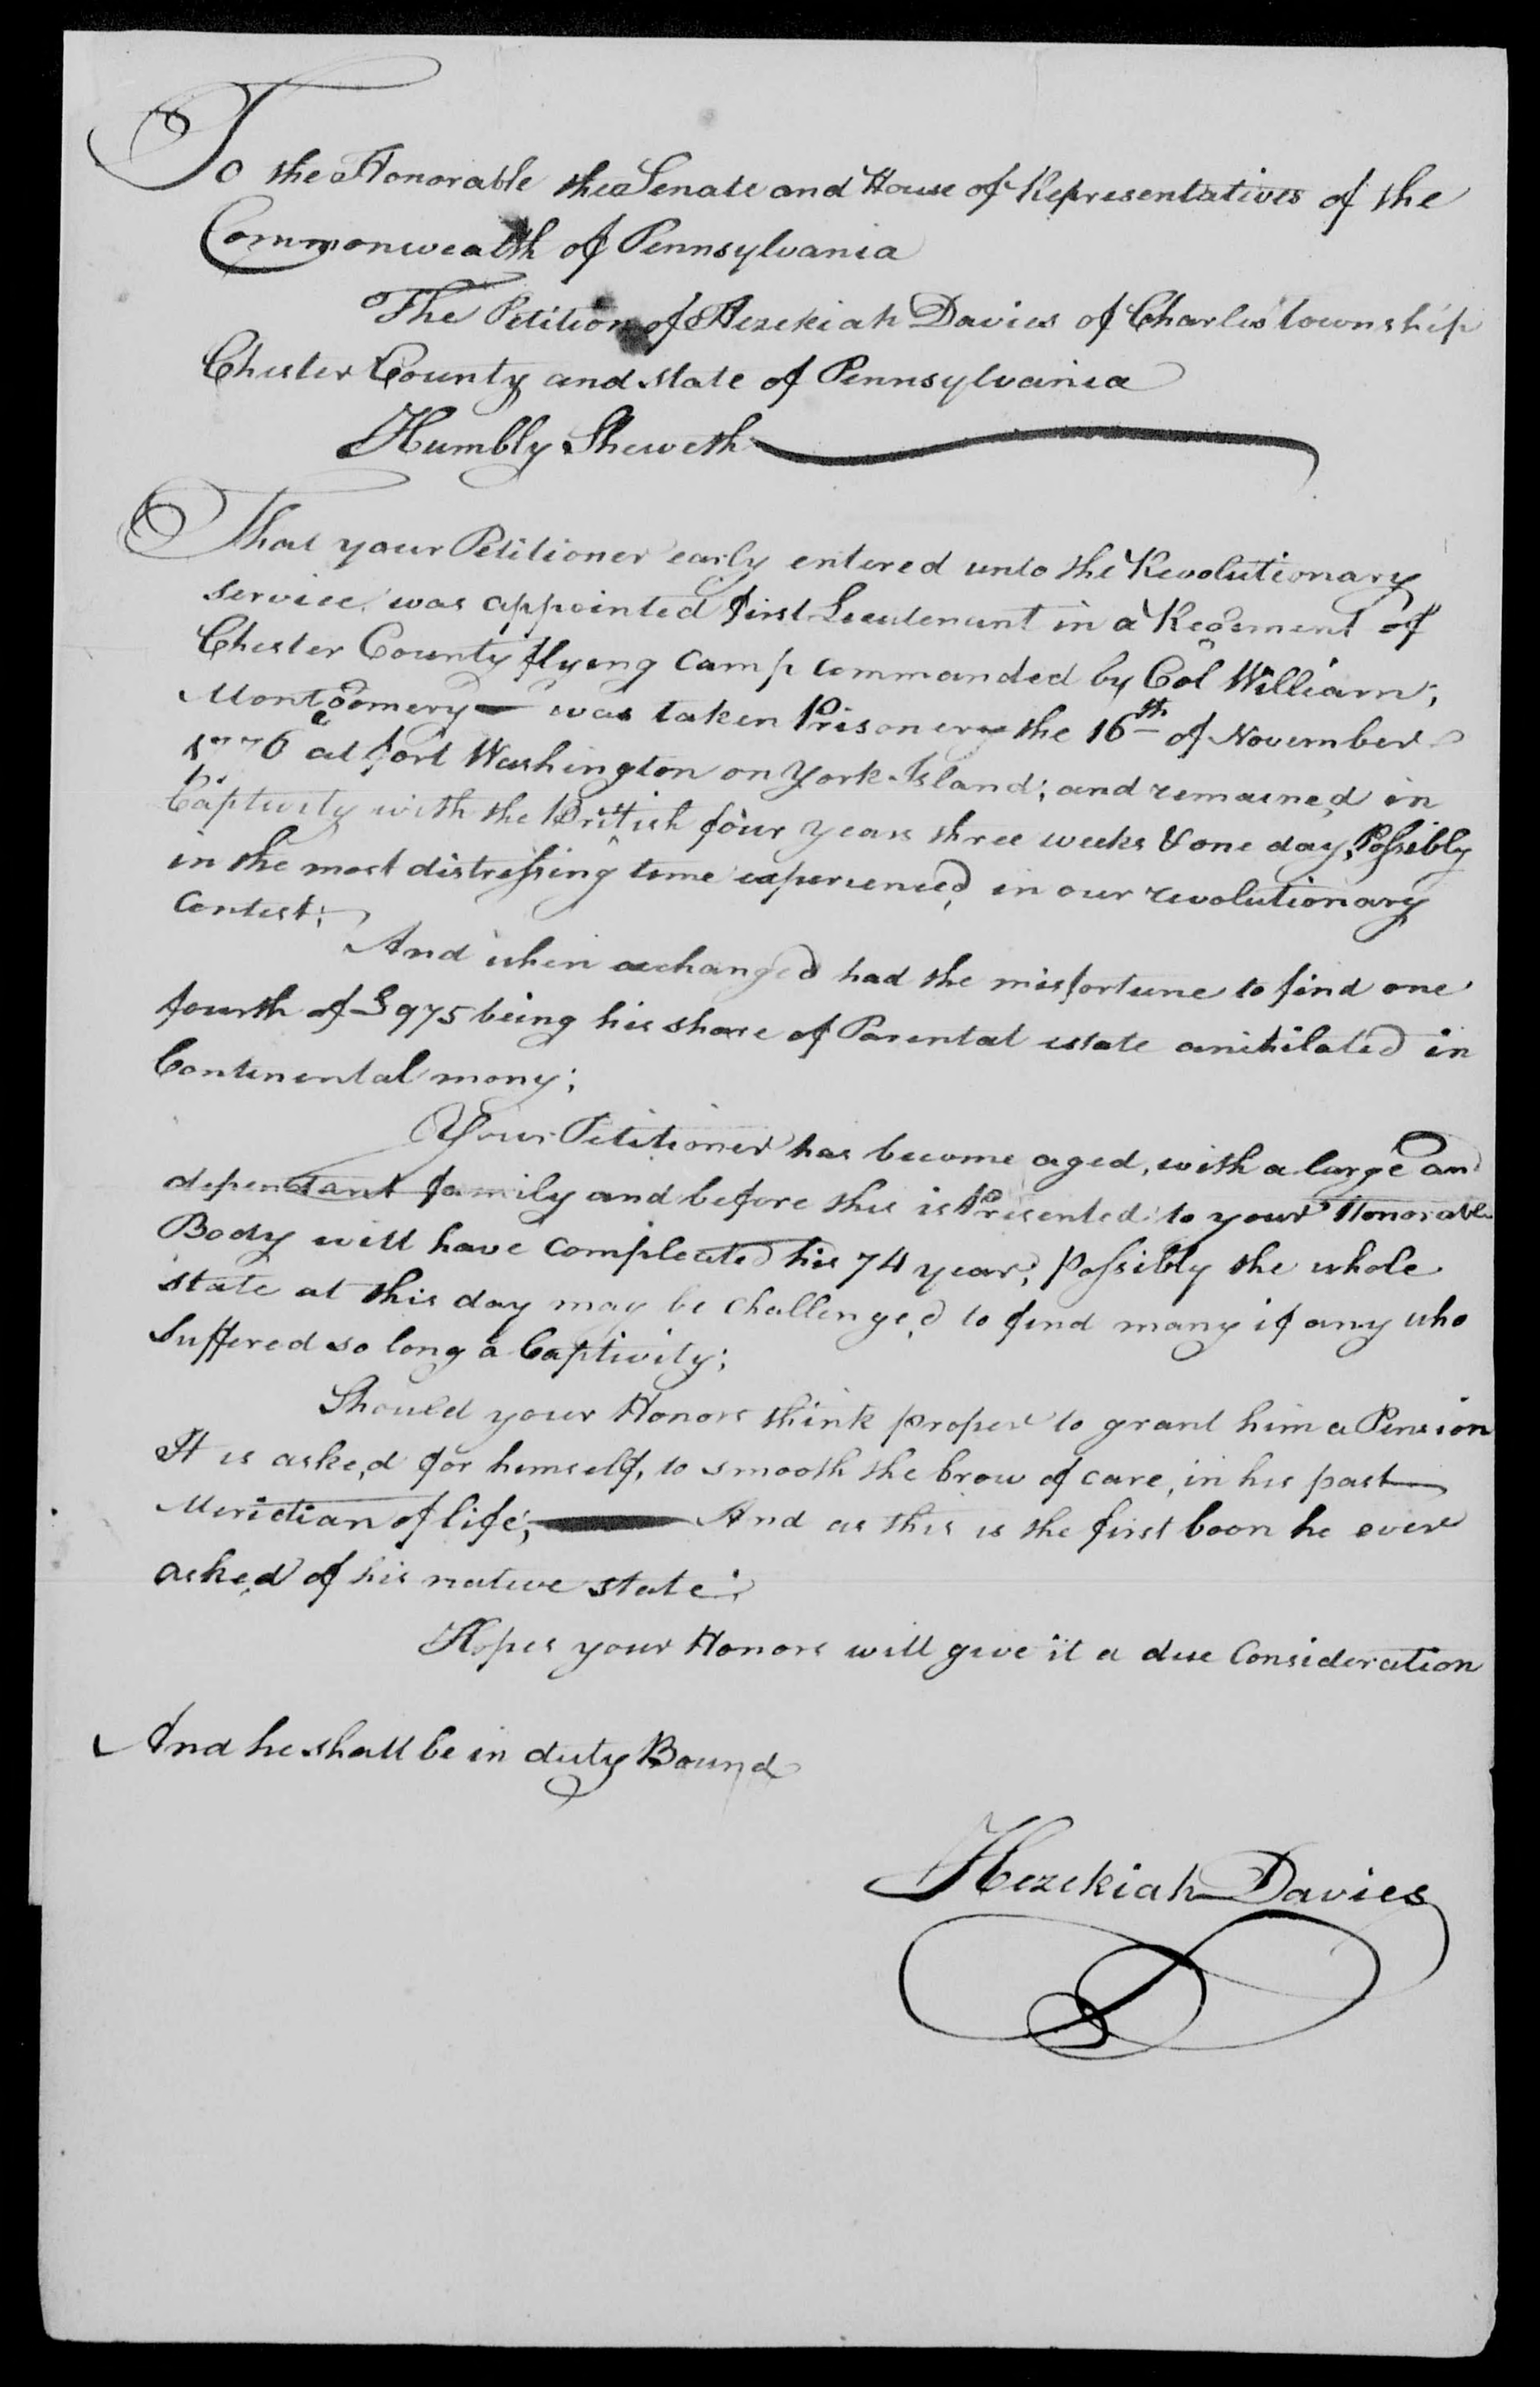To the Honorable the Senate and House of Representatives of the Commonwealth of Pennsylvania
The Petition of Hezekiah Davies of Charles Township Chester County and State of Pennsylvania
Humbly Sheweth
That your Petitioner early entered unto the Revolutionary
service was appointed First Lieutenant in a Regiment of Chester County flying Camp commanded by Col William,
Montgomery was taken Prisoner the 16th of November
1776 at fort Washington on York Island; and remained in
Captivity with the British four years three weeks & one day, possibly in the most distressing time experienced in our revolutionary
Contest.
And when exchanged had the misfortune to find one
fourth of $975 being his share of parental estate anihilated [annihilated] in
Continental money;
Your Petitioner has become aged, with a large and
dependent family and before this is presented to your Honorable
Body will have completed his 74 year, possibly the whole
State at this day may be challenged to find many if any who
suffered so long a Captivity;
Should your Honors think proper to grant him a pension 
It is asked for himself, to smooth the brow of care, in his past
Meridian of life, and as this is the first boon he ever
asked of his native State;
Hopes your Honor will give it a due consideration
And he shall be in duty bound
[signature] Hezekiah Davies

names: Hezekiah Davies, Hezekiah Davies, William Montgomery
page: 49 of 57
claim: survivor's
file: S. 2161, Hezekiah Davies, Penn